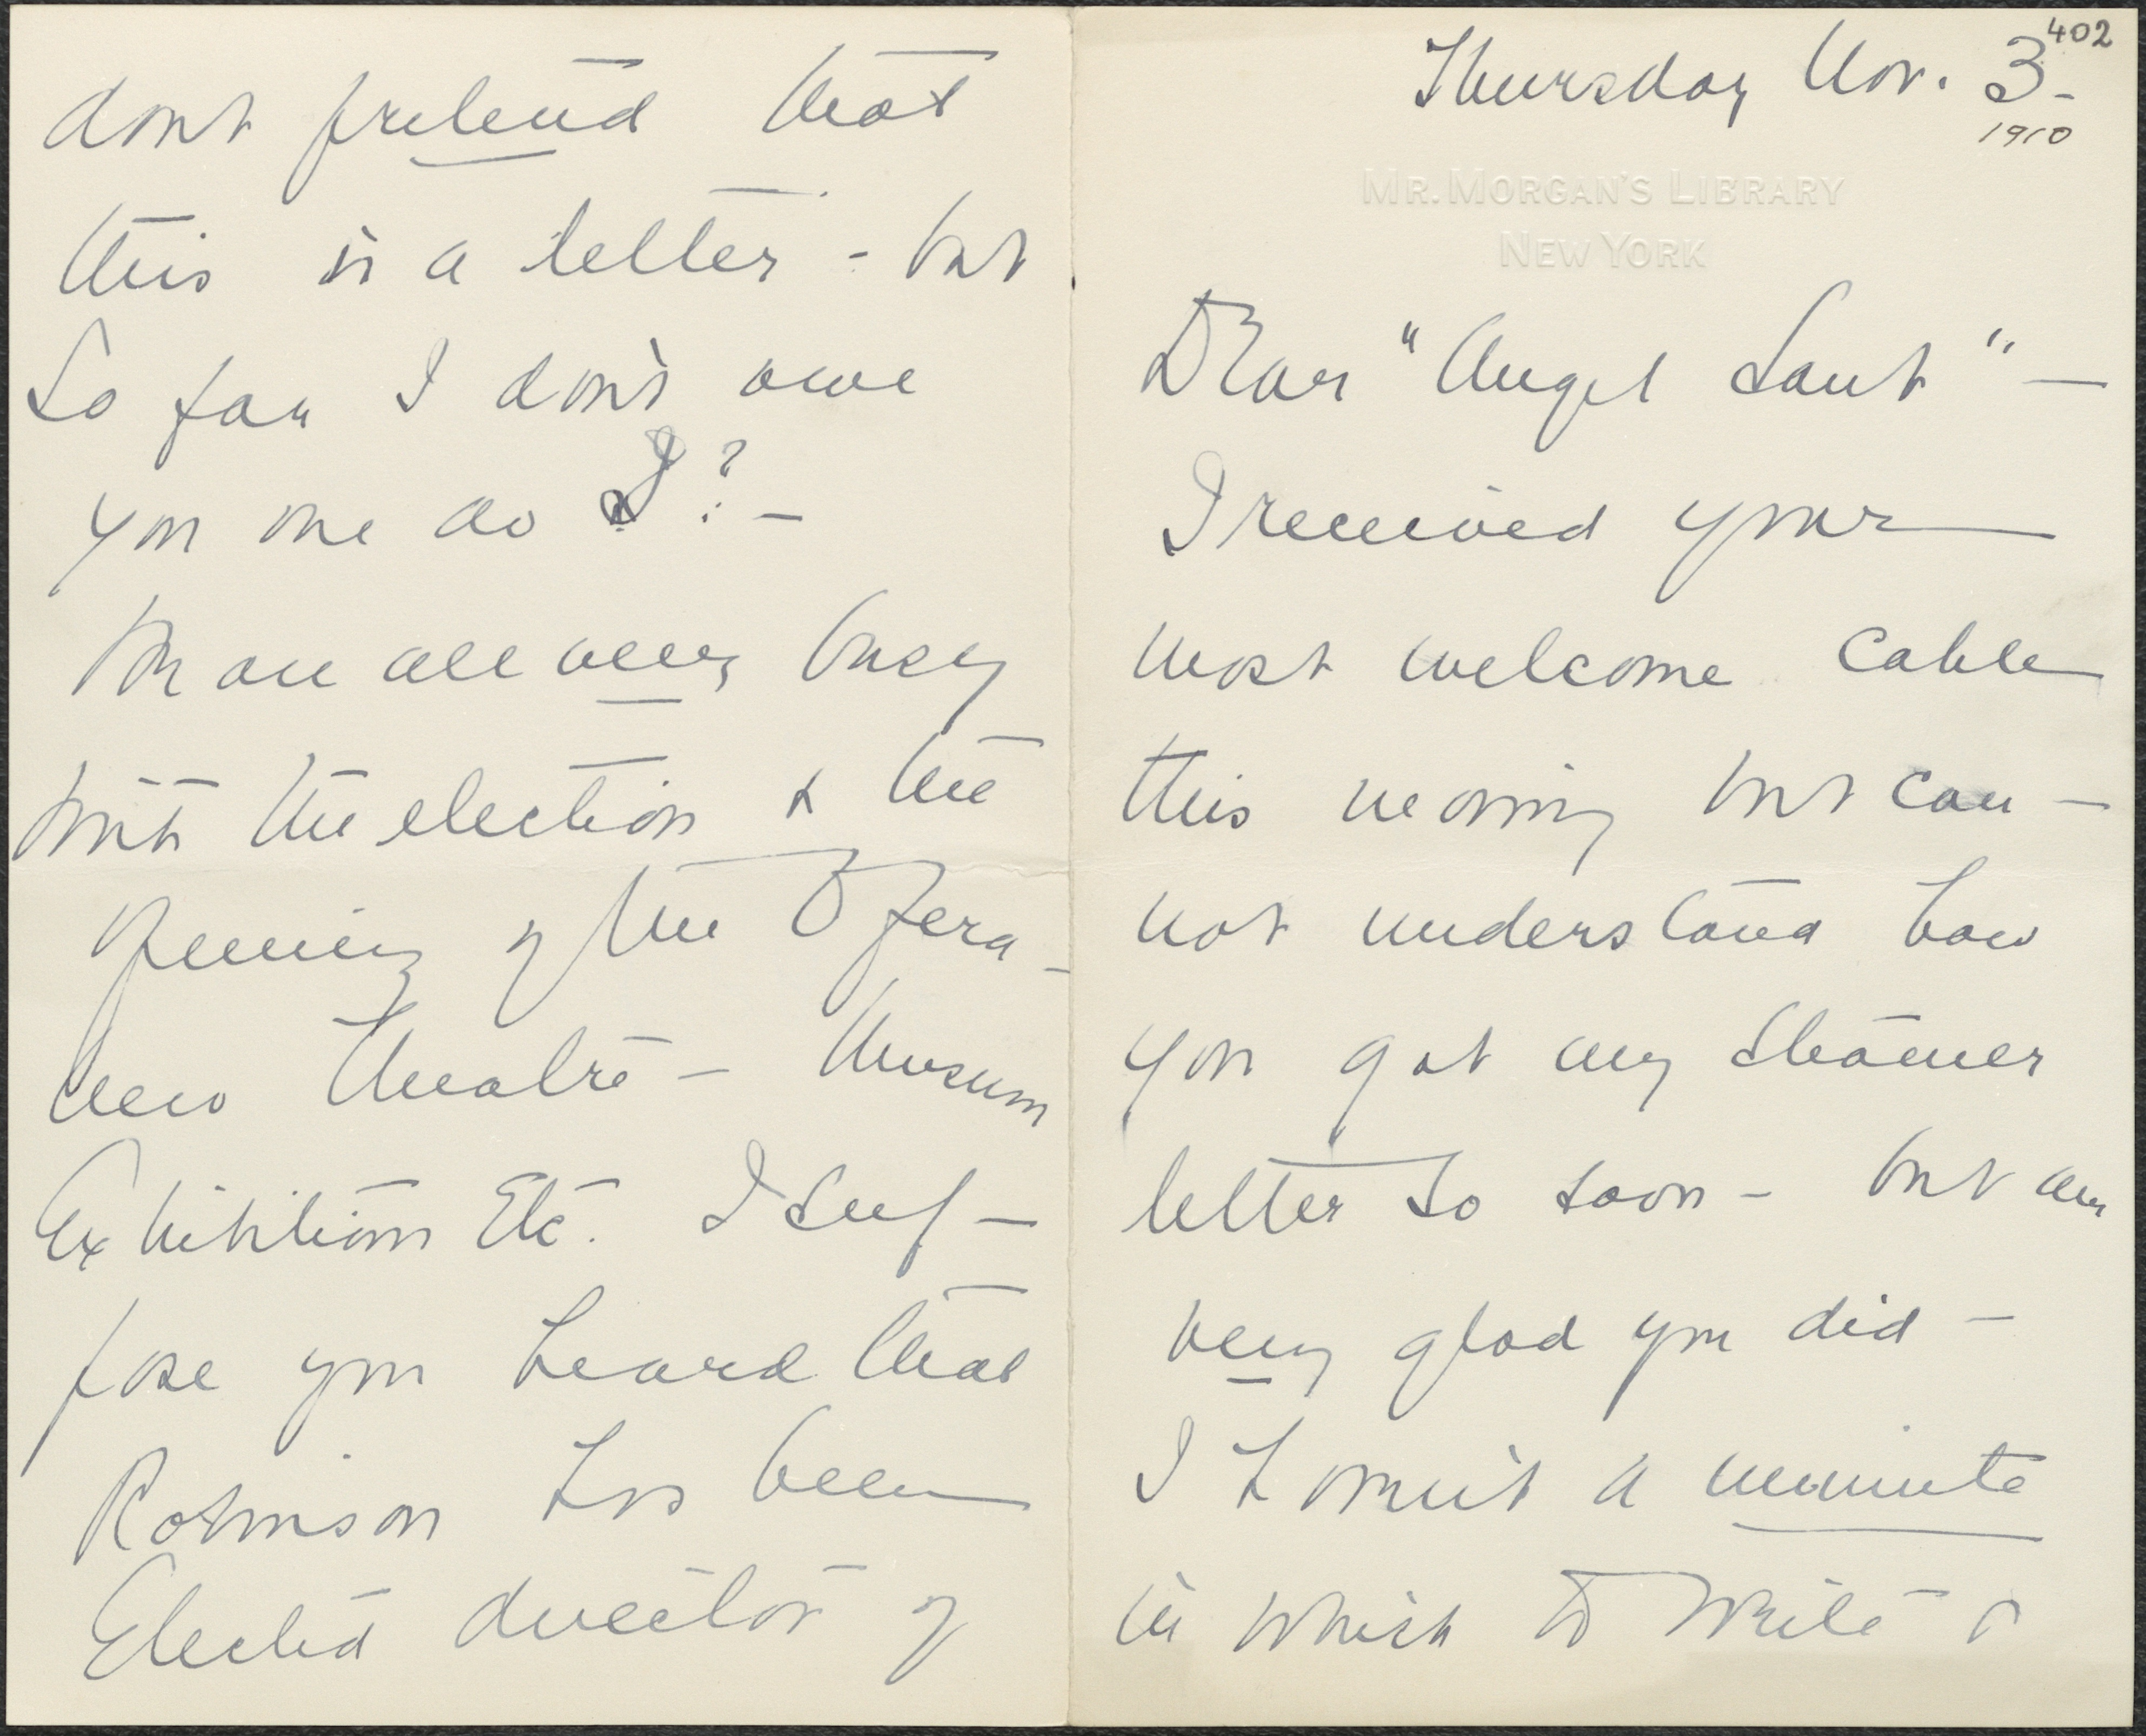Thursday Nov. 3 –
Dear “Angel Lamb” –
I received your most welcome cable this morning but cannot understand how you got my steamer letter so soon – but am very glad you did – I haven’t a minute in which to write &
don’t pretend that this is a letter – but so far I don’t owe you one do I? –
We are all very busy with the election & the opening of the Opera – New Theatre – Museum Exhibition etc. I suppose you heard that Robinson has been elected director of